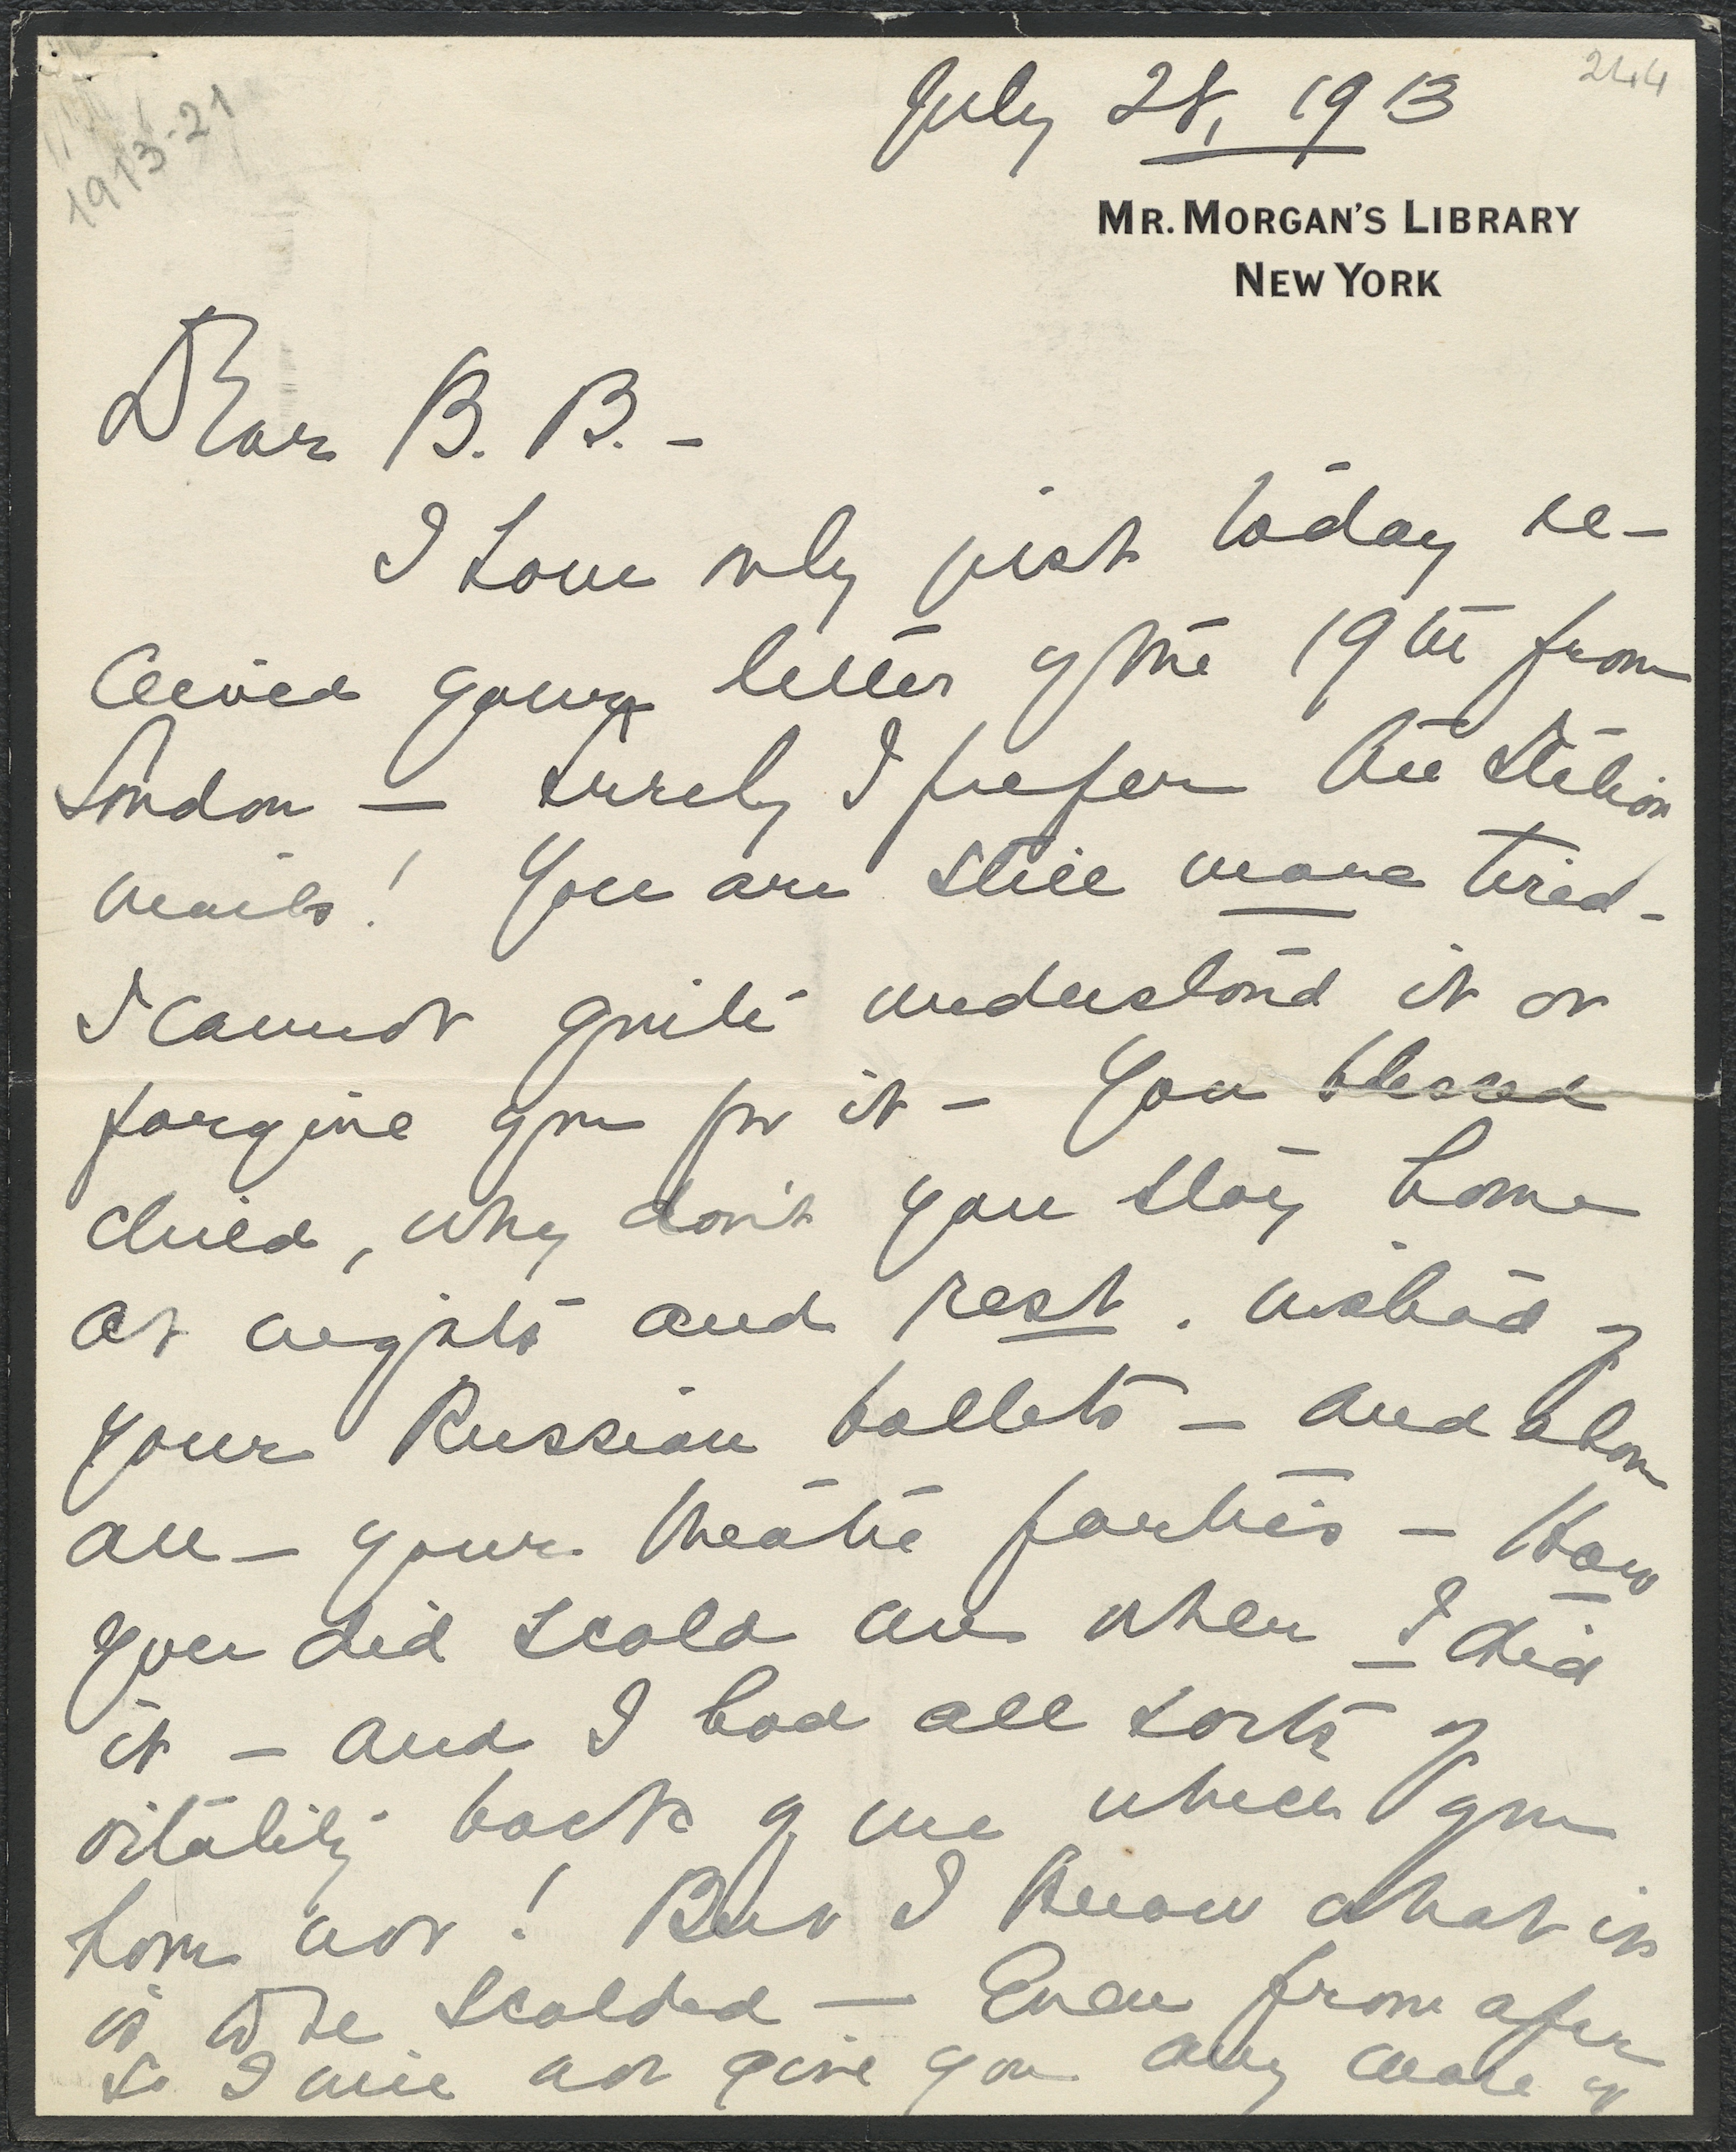July 28, 1913
Dear B. B. –
I have only just today received your letter of the 19th from London – surely I prefer the station mails! You are still more tired – I cannot quite understand it or forgive you for it – You blessed child, why don’t you stay home at nights and rest, instead of your Russian ballets – and above all – your theatre parties – How you did scold me when I did it – and I had all sorts of vitality back of me which you have not! But I know what it is to be scolded – even from afar so I will not give you any more of